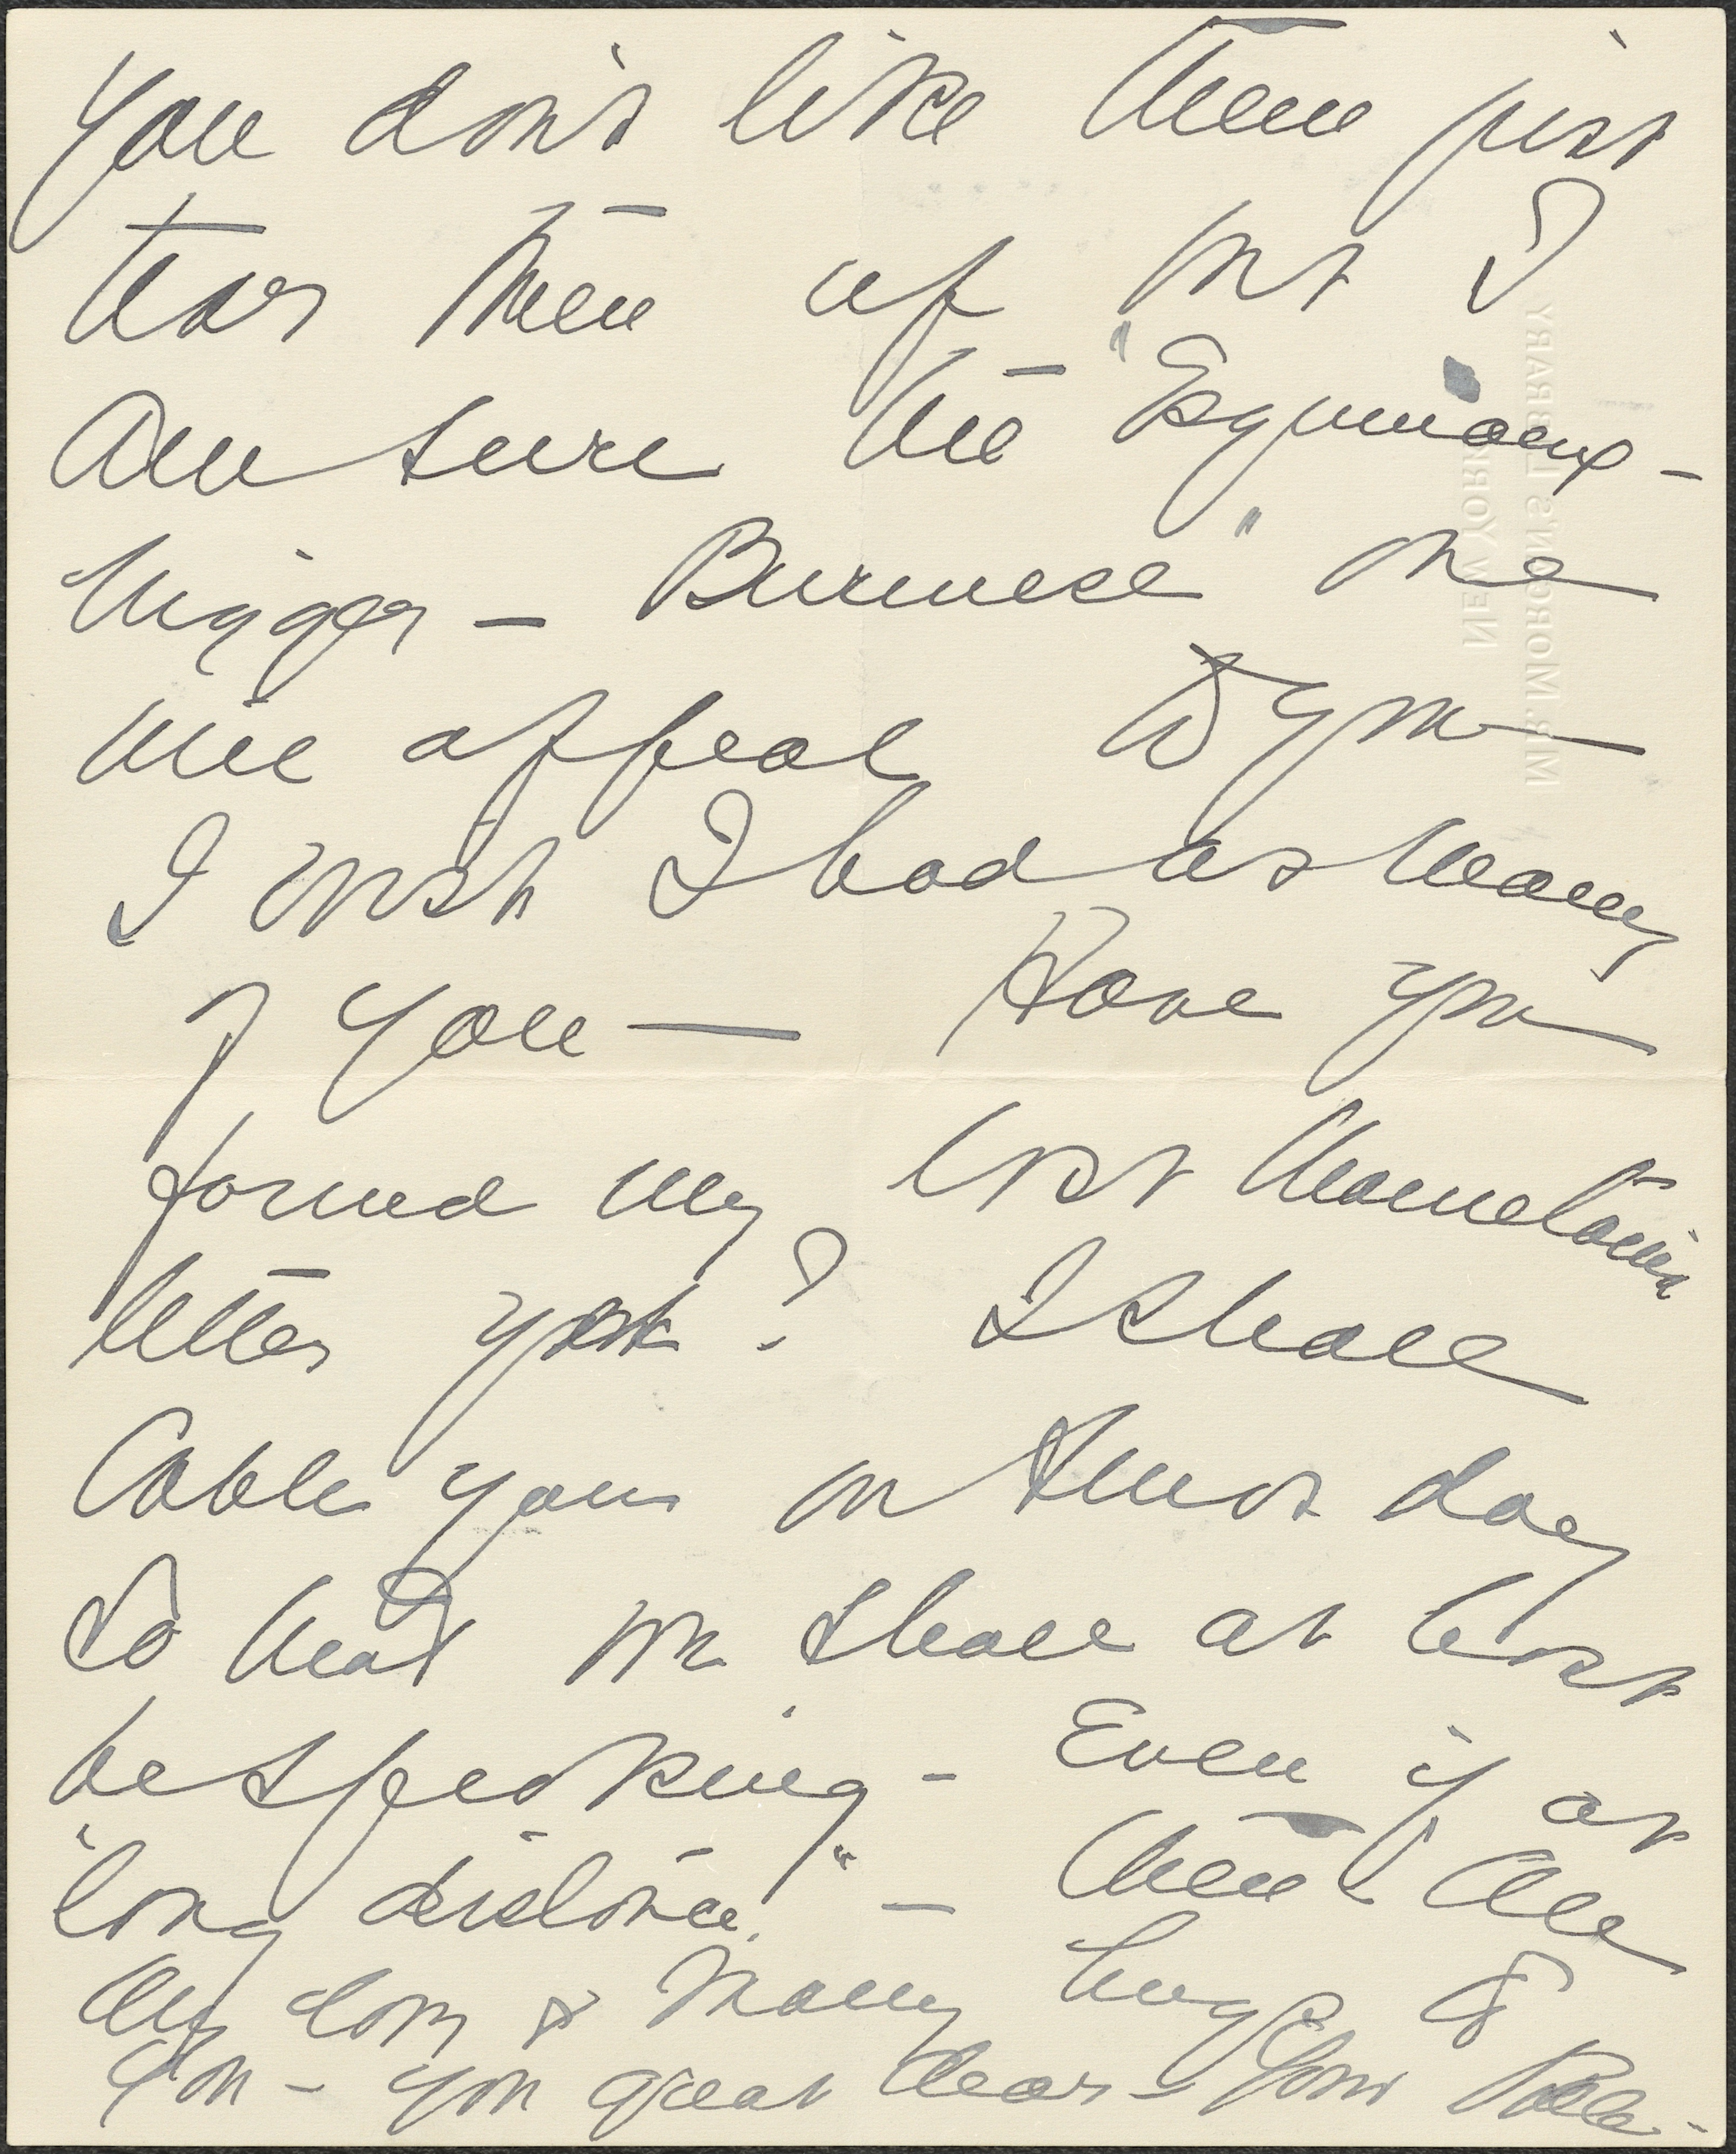you don’t like them just tear them up but I am sure the “Esquimaux – Nigger – Burmese” one will appeal to you – I wish I had as many of you – Have you found my last Mauretania letter yet? I shall cable you on Xmas day so that we shall at least be speaking – Even if at “long distance.” – then all my love & many hugs to you – you great dear – Your Belle –